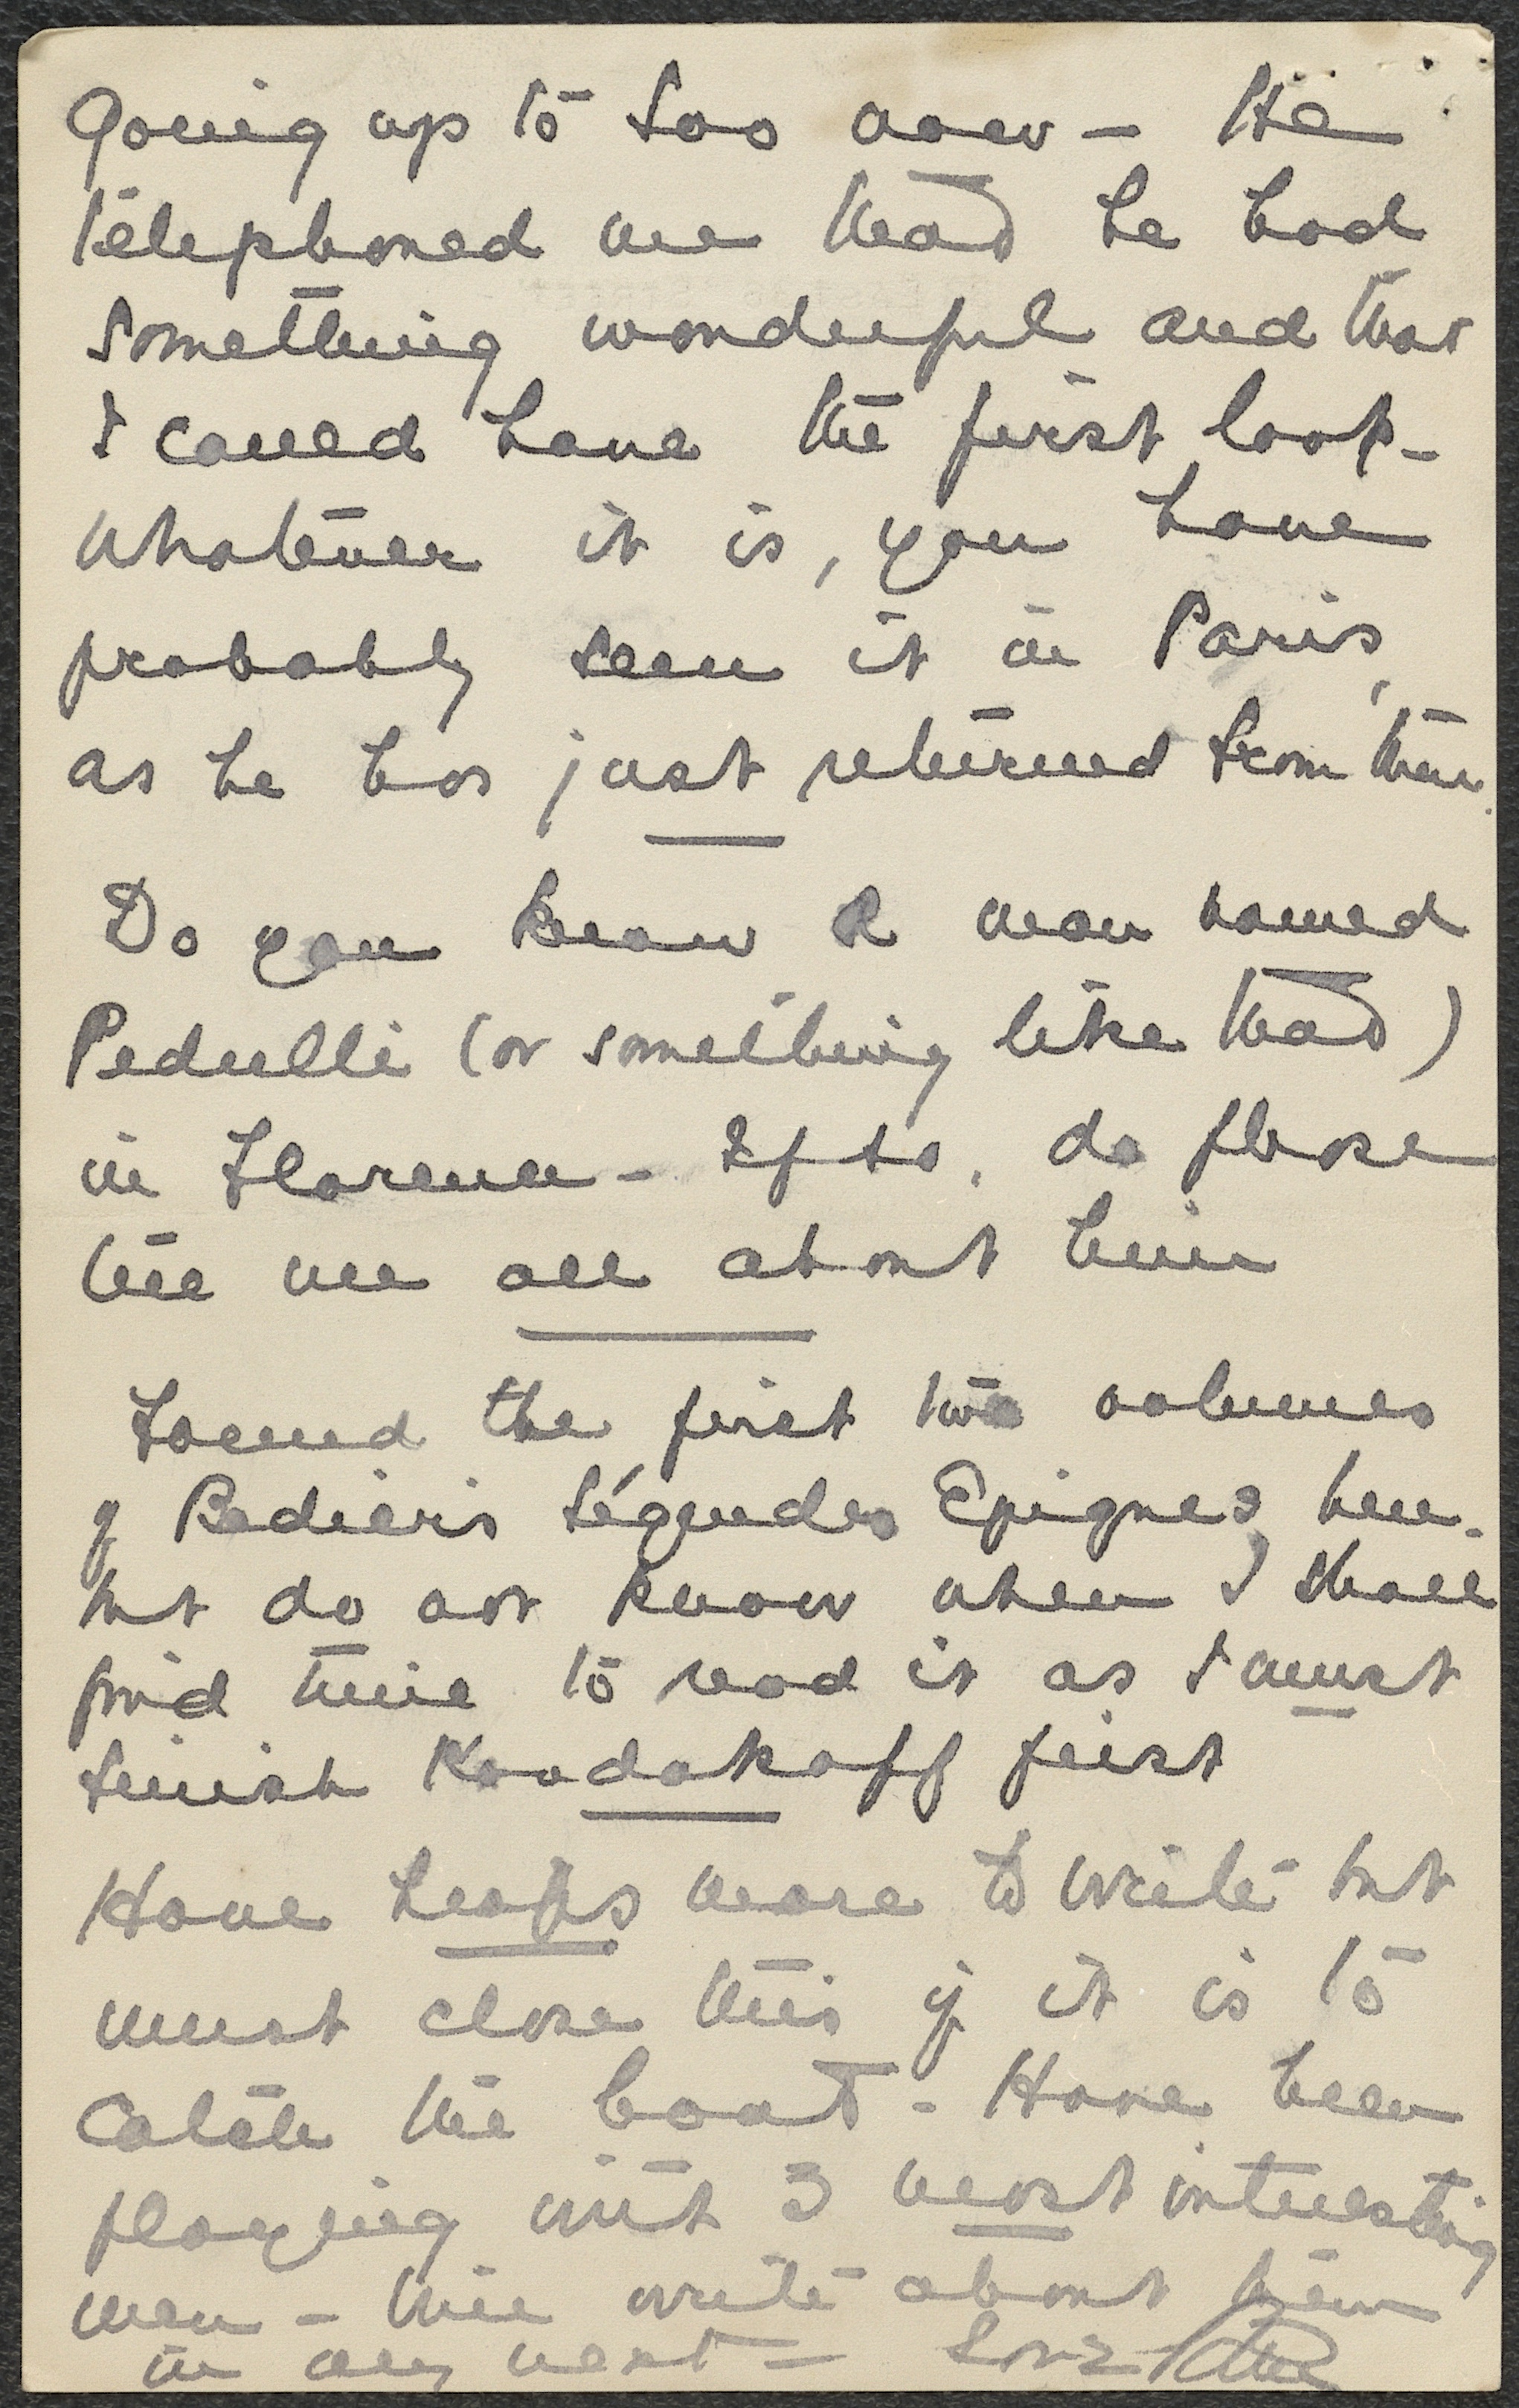going up to Loo now – He telephoned me that he had something wonderful and that I could have the first look – Whatever it is, you have probably seen it in Paris as he has just returned from there.
Do you know a man named Pedulli (or something like that) in Florence – If so, do please tell me all about him
Found the first two volumes of Badier's Ségundes Epignes here, but do not know when I shall find time to read it as I must finish Keudakoff first
Have heaps more to write but must close this if it is to catch the boat – Have been playing with 3 most interesting men – Will write about them in my next –
Love Belle